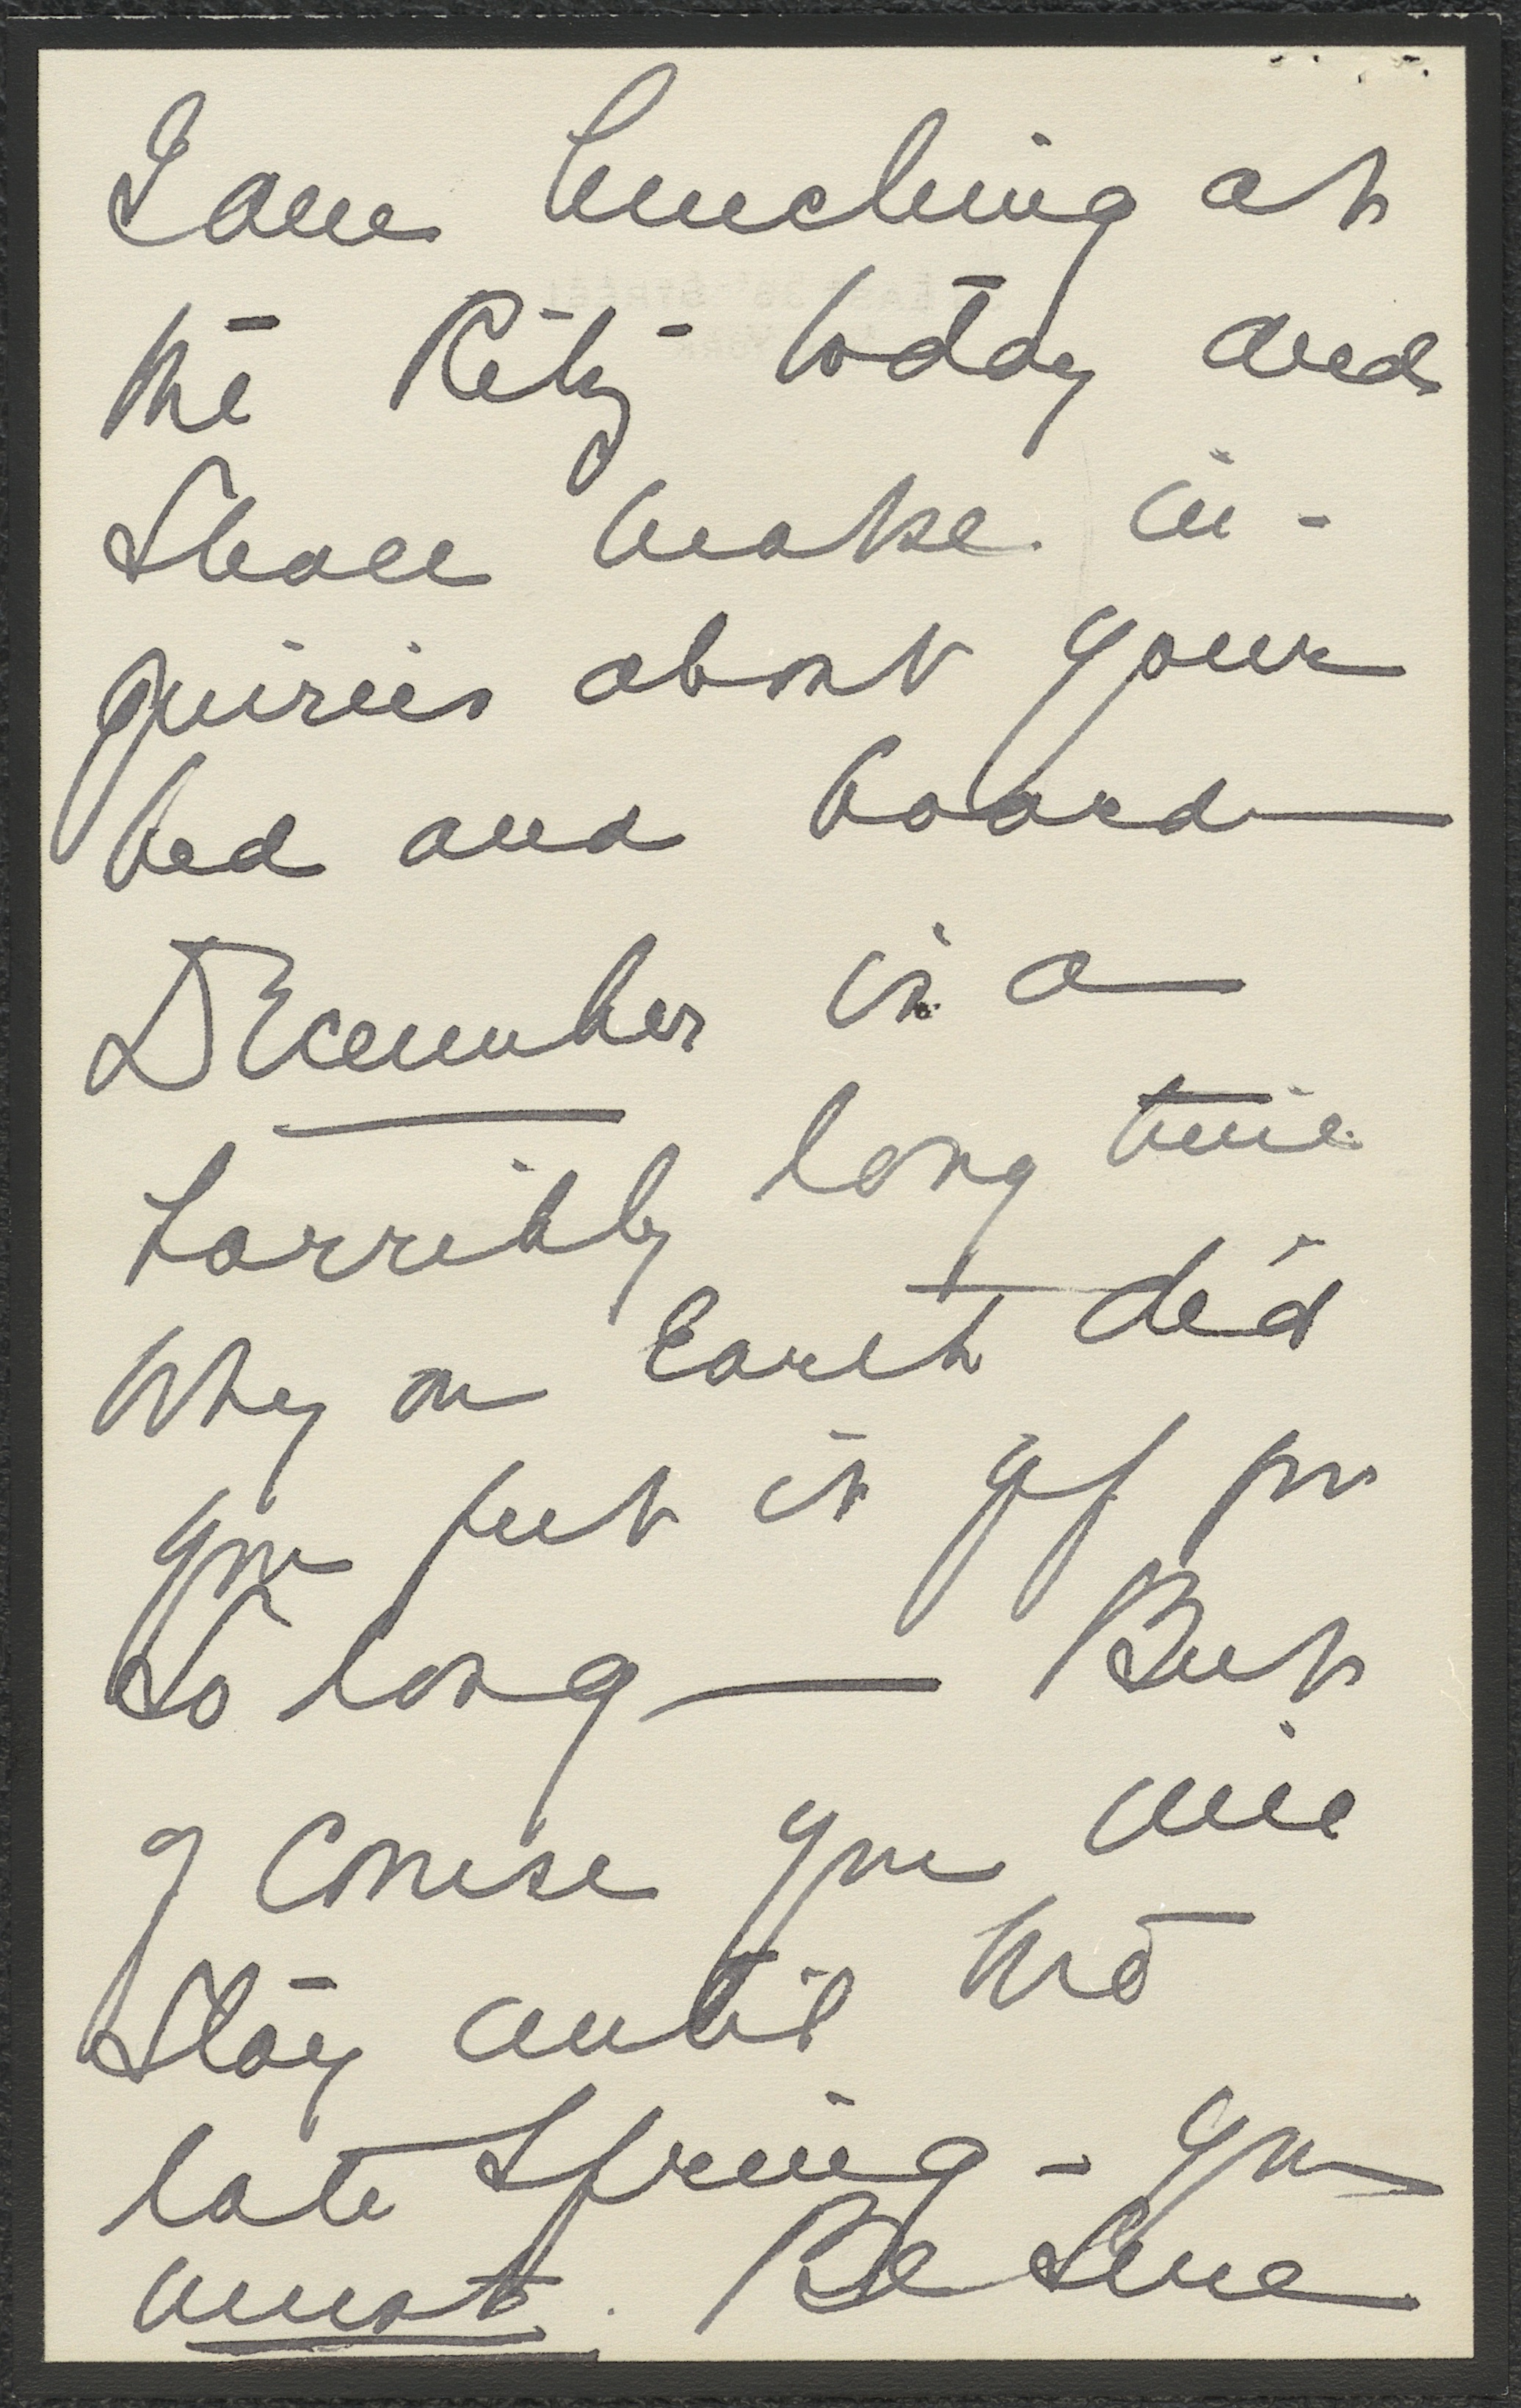I am lunching at the Ritz today and shall make inquiries about your bed and board – December is a horribly long time. Why on Earth did you put it off for so long – But of course you will stay until the late Spring – you [double underlined: must]. Be sure